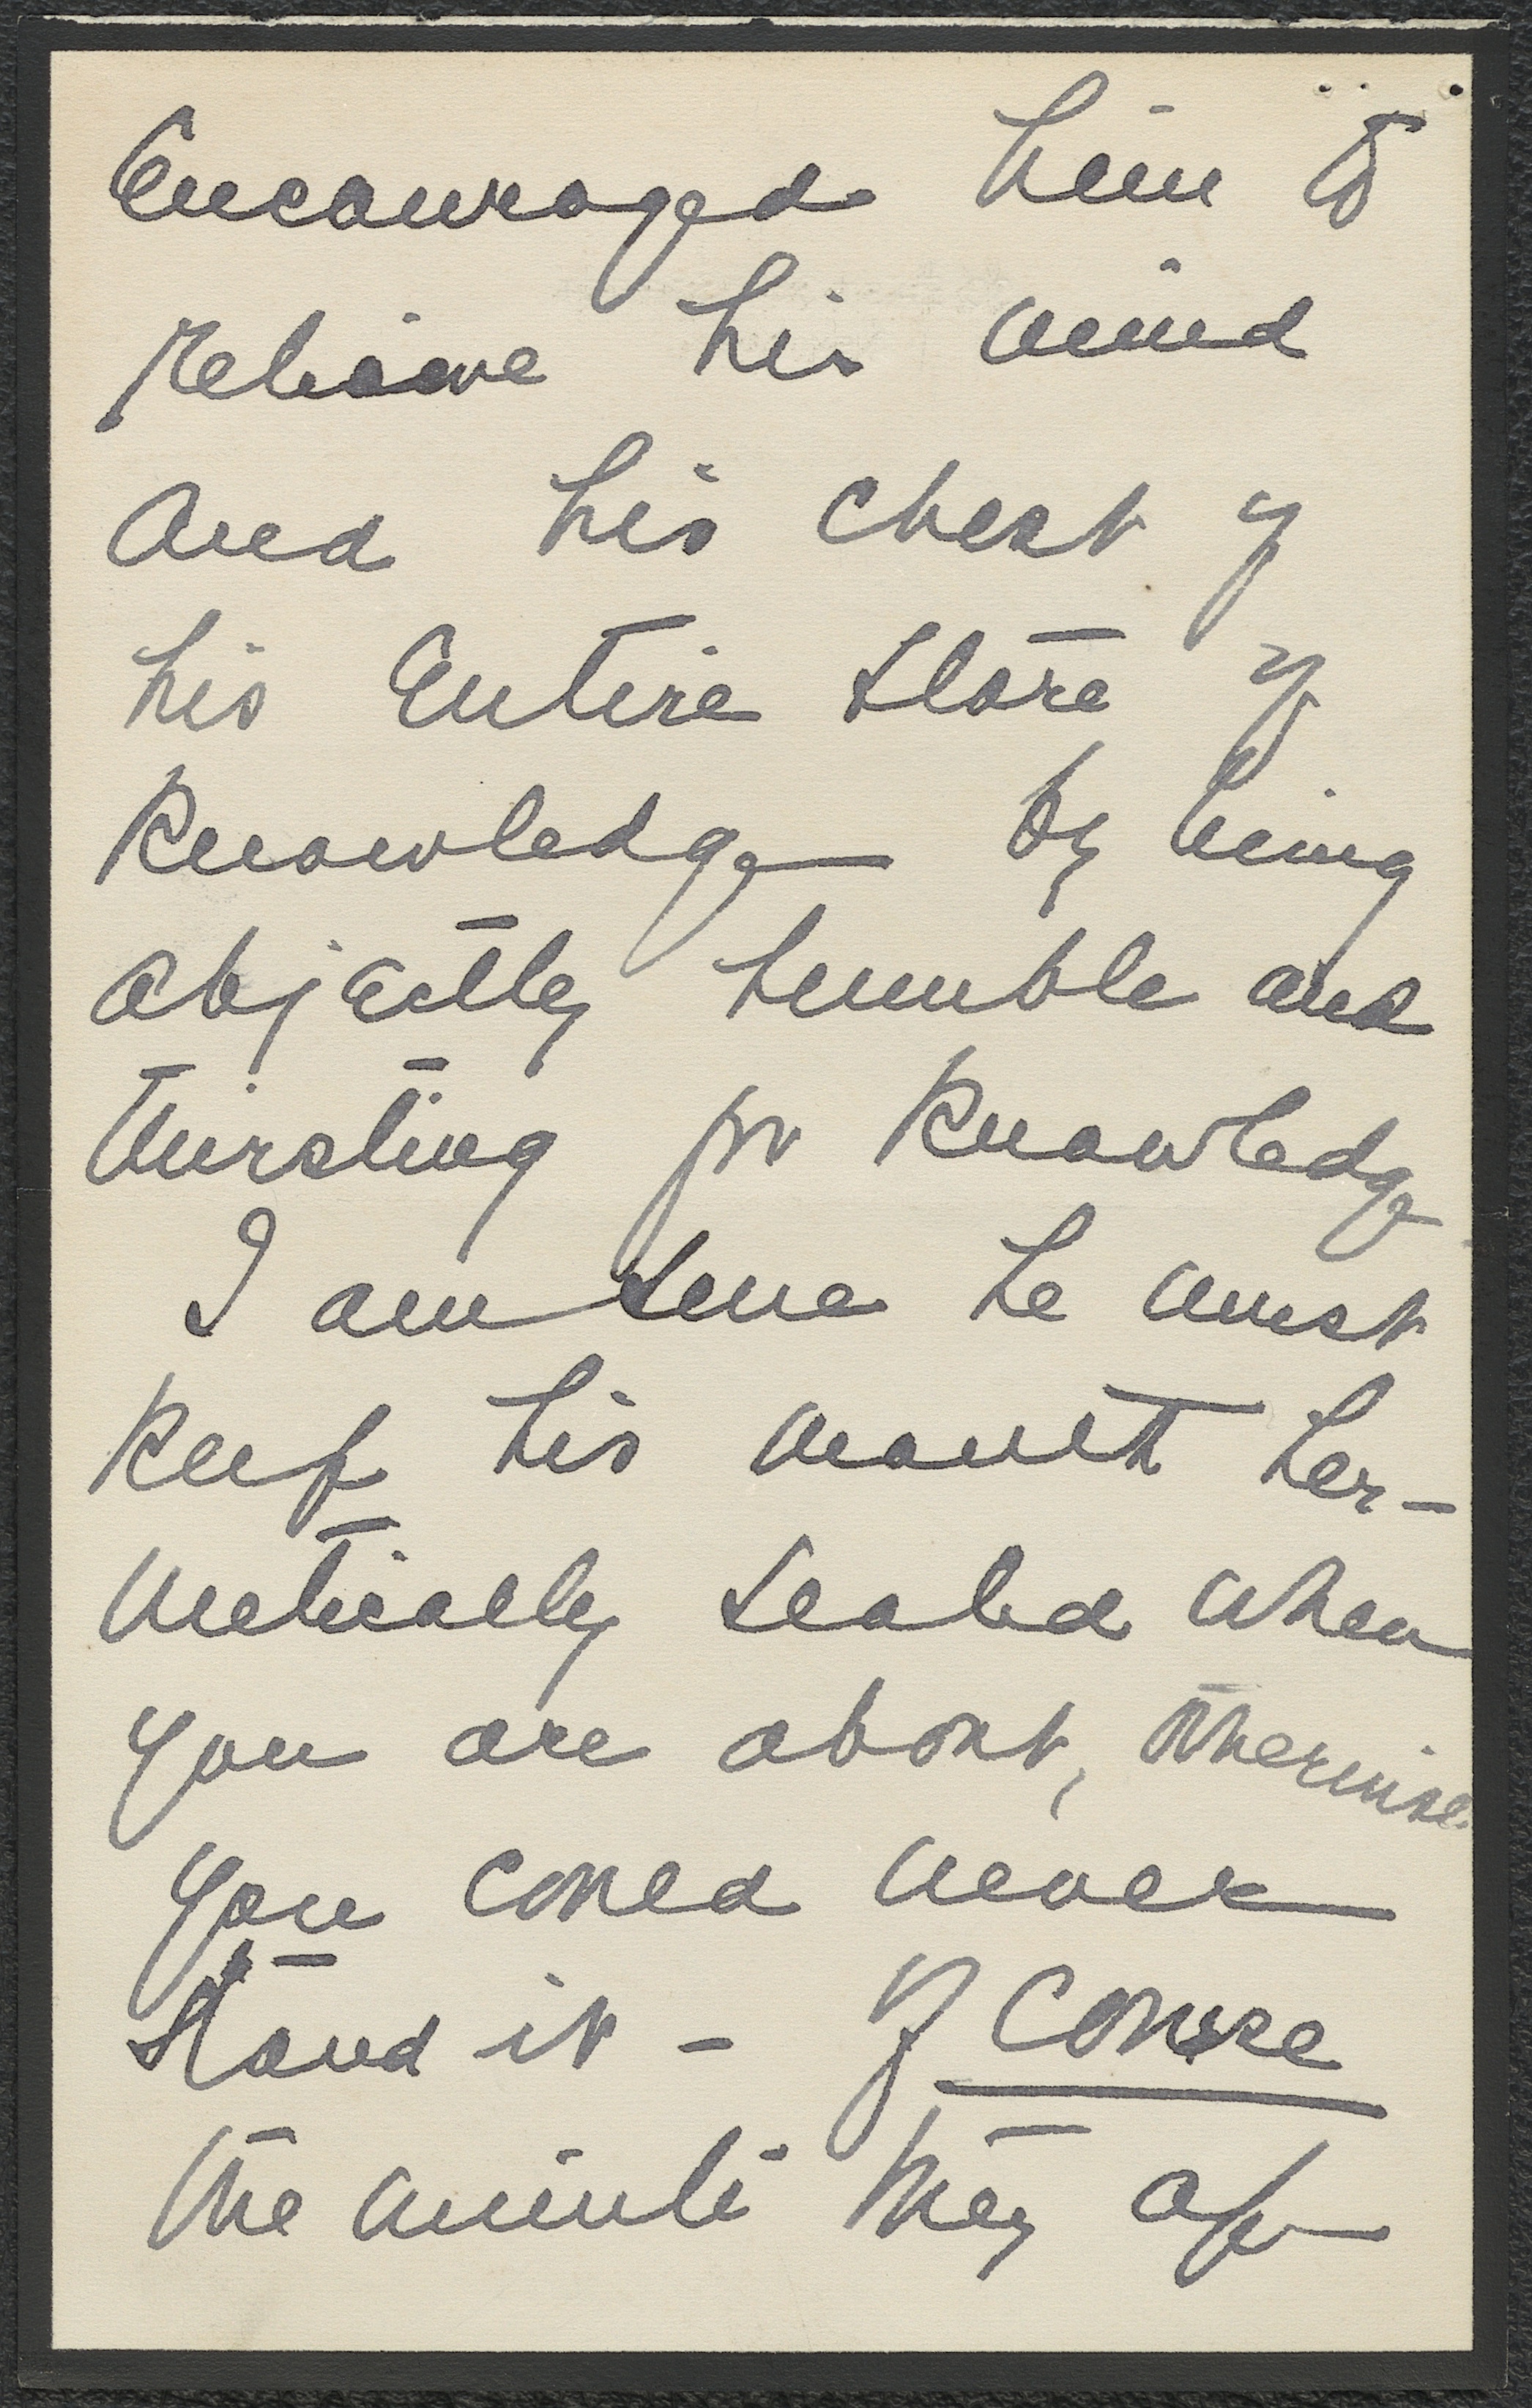encouraged him to relieve his mind and his chest of his entire store of knowledge by being abjectly humble thirsting for knowledge.
I am sure he must keep his mouth hermetically sealed when you are about, otherwise you could never stand it – of course the minute they appeared